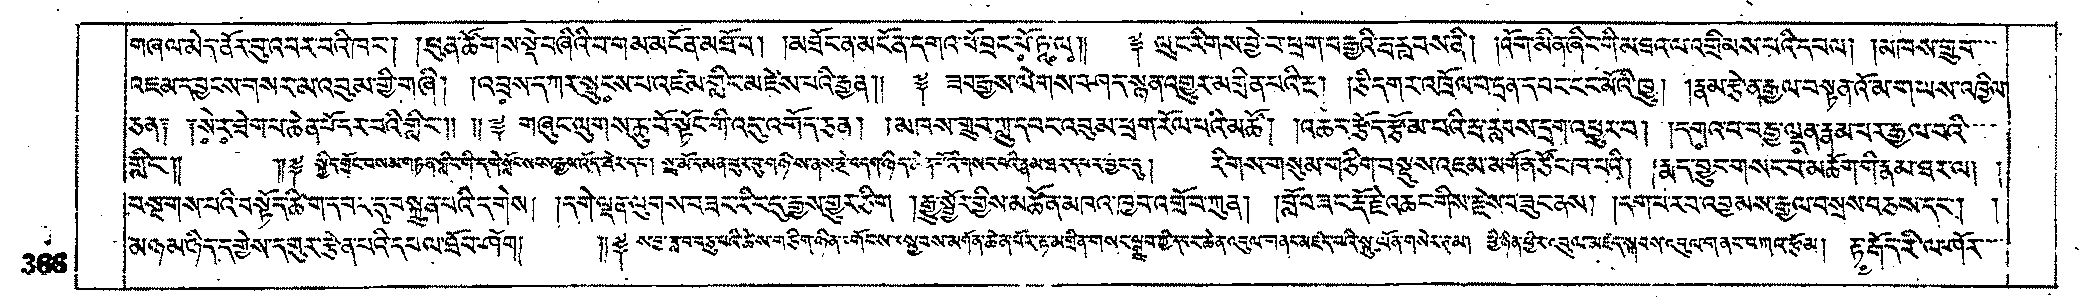གཞལ་མེད་ནོར་བུ་འབར་བའི་ཁང་། །ཕུན་ཚོགས་སྡེ་བཞིའི་བ་གམ་མངོན་མཐོ་བ། །མཐོང་ན་མངོན་དགའ་ཕོ་བྲང་པོ྾་ཏཱ྾་ལ྾།། འ་ལུང་རིགས་བྱེ་བ་ཕྲག་བརྒྱའི་རྦ་རླབས་ནི། །འོག་མིན་ཞིང་གི་མཐའ་ལ་འགྲིམས་པའི་དཔལ། །མཁས་གྲུབ་་་
འཇམ་དབྱངས་གསར་མ་འབུམ་གྱི་གཞི། །འབྲས་དཀར་སྤུངས྾་འཛམ་གླིང་མཛེས་པའི་རྒྱན།། འ་ཟབ་རྒྱས་ལེགས་བཤད་སྙན་འགྱུར་མགྲིན་པའི་རྔ། །ཅི་དགར་འཁྲོལ་བ་དྲན་དབང་ངང་མོའི་ཁྱུ། །རྣམ་རྩེན་རྒྱལ་བསྟན་འོ་མ་གཡས་འཁྱིལ་
ཅན༑ ༑སེ྾་ར྾་ཐེག་པ་ཆེན་པོ་དར་བའི་གླིང།། །། འ་གཞུང་ལུགས་ཆུ་བོ་སྟོང་གི་འདུ་འགོད་ཅན། །མཁས་གྲུབ་ཀླུང་དབང་འབུམ་ཕྲག་རོལ་པའི་མཚོ། །འཆད་རྩོད་རྩོམ་པའི་རྦ་རླབས་དྲག་འཕྱུར་བ། །དགའ྾་བ་བརྒྱ་ལྡན྾་རྣམ་པར་རྒྱལ་བའི་་་
གླིང།། །། འ་སྐྱིད་གྲོང་བསམ་གཏན་གླིང་གི་དགེ་སློང་སངས་རྒྱས་འོད་ཟེར་དང་། སྲུ་མོ་དམན་ཕུར་བུ་གཉིས་ནས་རྗེ་བདག་ཉིད་ཆེན་པོའི་གསང་བའི་རྣམ་ཐར་དཔར་བྱང་དུ།  རིགས་གསུམ་གཅིག་བསྡུས་འཇམ་མགོན་ཙོང་ཁ་པའི། །རྨད་བྱུང་གསང་བ་མཆོག་གི་རྣམ་ཐར་ལ། །
བསྔགས་པའི་བསྟོད་ཚིག་དབང་དུ་བསྐྲུན་པའི་དགེས། །དགེ་ལྡན་ལུགས་བཟང་རིང་དུ་རྒྱས་གྱུར་ཅིག །རྒྱུ་སྦྱོར་གྱིས་མཚོན་མཁའ་ཁྱབ་འགྲོ་བ་ཀུན། །བློ་བཟང་རྡོ་རྗེ་འཆང་གིས་རྗེས་བཟང་ནས། །དག་པར་རབ་འབྱམས་རྒྱལ་བ་སྲས་བཅས་དང་། །
མཉམ་ཉིད་དགྱེས་དགུར་རྩེན་པའི་དཔལ་ཐོབ་ཤོག ། །། འ་་ས་བྱ་ཟླ་བ་བཅུ་པའི་ཚེས་གཅིག་ཉིན ༧་གོང་ས ༧་སྐྱབས་མགོན་ཆེན་པོར་རྟ་མགྲིན་གསང་སྒྲུབ་ཀྱི་དབང་ཆེན་འབུལ་གནང་མཛད་པའི་སྐུ་ཡོན་གསེར་ཊམ། ཕྱི་ཉིན་ཕྱིར་འབུལ་མཛད་སྐབས་འབུལ་གནང་བཀའ་རྩོམ།  རྟཾ་རྒོད་རི་ལ་ཤོར་་་